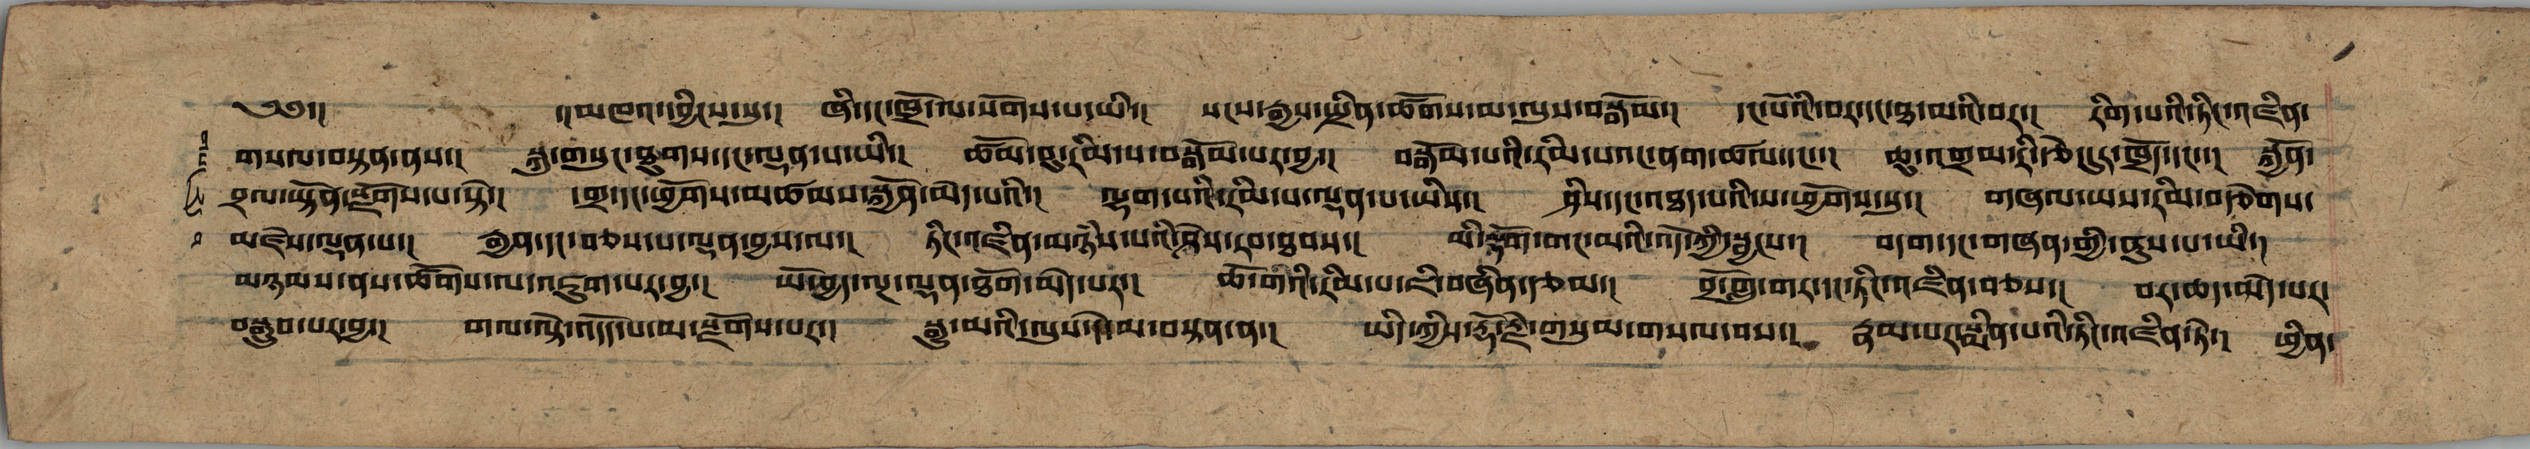༄༅་། ་།མཁའ་དབྱིངས་སུ་། ཞི་དང་ཁྲོ་ལ་སོགས་པ་ཡི་། སངས་རྒྱས་སྤྲིན་ཚོགས་མ་ལུས་བསྒོམ་། དང་པོའི་བར་དང་ཐ་མའི་བར་། རིག་པའི་ཏིང་འཛིན་
གསལ་བསྟན་ནས་། སྐུ་གསུང་ཐུགས་དང་ལྡན་པ་ཡི་། ཚོམ་བུ་རིམ་པ་བསྒོམ་པར་བྱ་། བསྒོམ་པའི་རིམ་པའང་ནག་ཚལ་དང་་། ཆུ་འགྲམ་རི་རྩེ་དུར་ཁྲོད་དང་་། སྐྱོན་
བྲལ་ཡྟོན་སྫོགས་པ་སྟེ་། དགྲ་དང་ཕྱོགས་མཚམས་སྐྱོན་མེད་པའི་། ལྷག་པའི་རིམ་པ་ལྡན་པ་ཡིས་། ཤིས་དང་འཐད་པའི་ས་ཕྱོགས་སུ་། གཞལ་ཡས་རིམ་བརྩེགས་
མཛེས་ལྡན་པ་། རྒྱན་དང་བཅས་པ་ལྡན་བྱས་ལ་། ཏིང་འཛིན་མཉཾས་པའི་ཤེས་རབ་ཐབས་། མི་རྟོག་གང་མའི་འོད་ཀྱི་སྦྱངས་། བདག་དང་གཞན་གྱི་ནུས་པ་ཡི་།
མཉམས་ནས་ཚོགས་ལ་འཇུག་པར་བྱ་། ཡོ་བྱད་ལྔ་ལྡན་ཐོག་མེད་པར་། ཆོ་གའི་རིམ་པ་ཇི་བཞིན་རྩམ་། བྲོ་གླུ་གར་དང་ཏིང་འཛིན་བཅས་། བར་ཆད་མེད་པར་
བསྒྲུབ་པར་བྱ་། གལ་ལྟེ་འདོད་པ་མ་སྫོགས་པར་། སྒྱུ་མའི་ལུས་དེ་མ་བསྟན་ན་། ཡིད་ཀྱིས་རྡོ་རྗེ་གསུམ་གསལ་བས་། རྣམ་པར་སྨིན་པའི་ཏིང་འཛིན་ཏེ་། ཕྱིན་